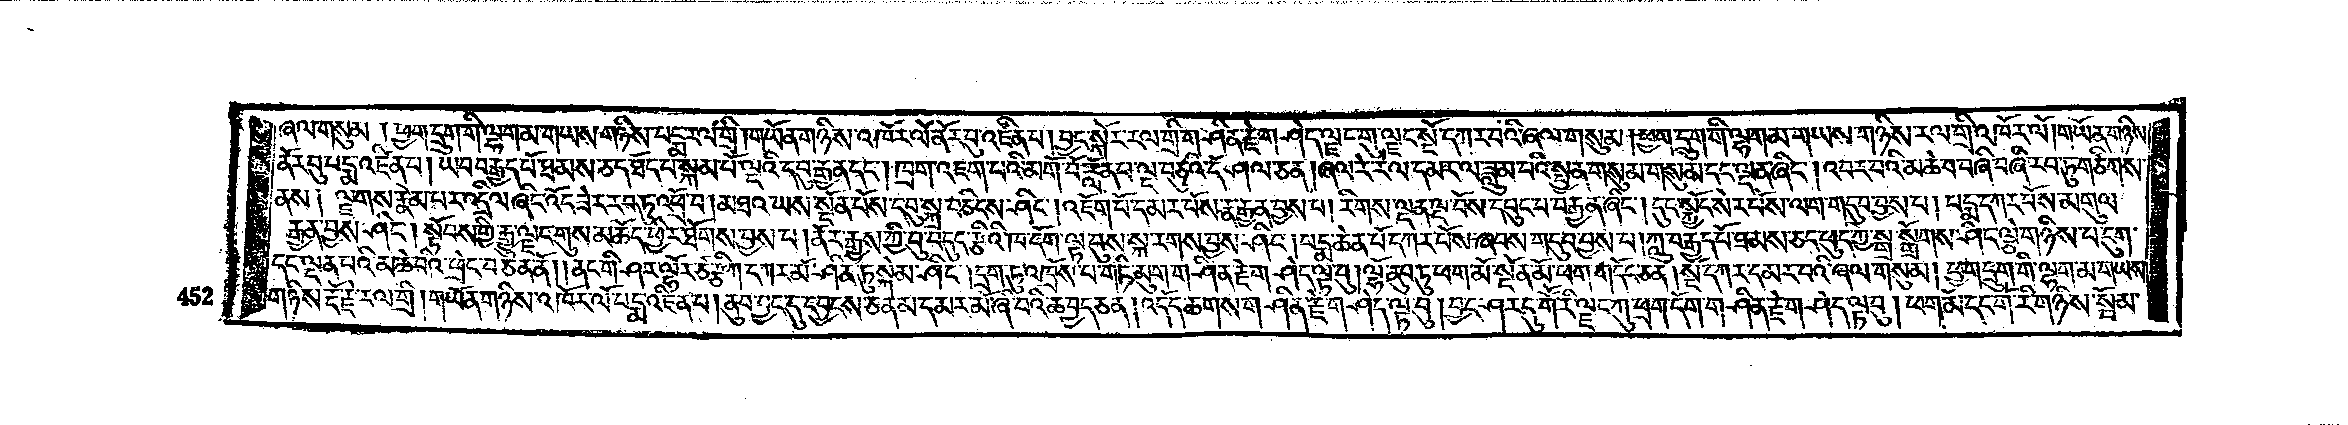ཞལ་གསུམ། ཕྱག་དྲུག་གི་ལྷག་མ་གཡས་གཉིས་པདམ་རལ་གྲི། གཡོན་གཉིས་འཁོར་ལོ་ནོར་བུ་འཛིན་པ། བྱང་སྐོར་རལ་གྲི་གཤིན་རྗེ་གཤེད་ལྗང་གུ་ལྗང་སྔོ་དཀར་བའི་ཞལ་གསུམ། ཕྱག་དྲུག་གི་ལྷག་མ་གཡས་གཉིས་རལ་གྲི་འཁོར་ལོ། གཡོན་གཉིས་
ནོར་བུ་པདམ་འཛིན་པ། ཡབ་བརྒྱད་པོ་ཐམས་ཅད་ཐོད་པ་སྐམ་པོ་ལྔའི་དབུ་རྒྱན་དང་། ཁྲག་འཇག་པའི་མགོ་བོ་རློན་པ་ལྔ་བཅུའི་དོ་ཤལ་ཅན། ཞལ་རེ་རེལ་དམར་ལ་ཟླུམ་པའི་སྤྱན་གསུམ་གསུམ་དང་ལྡན་ཞིང་། འབར་བའི་མཆེ་བ་བཞི་བཞི་རབ་ཏུ་གཙིགས་
ནས། ལྗགས་རྣམ་པར་འདྲིལ་ཞིང་འོད་ཟེར་རབ་ཏུ་འཕྲོ་བ། མཐའ་ཡས་སྔོན་པོས་དབུ་སྐྲ་བཅིངས་ཤིང་། འཇོག་པོ་དམར་པོས་རྣ་རྒྱན་བྱས་པ། རིགས་ལྡན་ཁྲ་བོས་དཔུང་པ་བརྒྱན་ཞིང་། དུང་སྐྱོང་སེར་པོས་ལག་གདུབ་བྱས་པ། པདམ་དཀར་པོས་མགུལ་
རྒྱན་བྱས་ཤིང་། སྟོབས་ཀྱི་རྒྱུ་ལྗང་གུས་མཆོད་ཕྱིར་ཐོགས་བྱས་པ། ནོར་རྒྱས་ཀྱི་བུ་བདུད་རྩིའི་ཁ་དོག་ལྟ་བུས་སྐེ་རགས་བྱས་ཤིང་། པདམ་ཆེན་པོ་དཀར་པོས་ཞབས་གདུབ་བྱས་པ། ཀླུ་བརྒྱད་པོ་ཐམས་ཅད་ཕུད་ཀྱི་སྒྲ་སྒྲོགས་ཤིང་ལྕེ་གཉིས་པ་དུག་
དང་ལྡན་པའི་མཆེ་བའི་ཕྲེང་བ་ཅན་ནོ། །ནང་གི་ཤར་ལྷོར་ཙ་རྩི་ཀ་དཀར་མོ་ཤིན་ཏུ་སྐེམ་ཤིང་། དྲག་ཏུ་འཁྲོས་པ་གཏི་མུག་གཤིན་རྗེ་གཤེད་ལྟ་བུ། ལྷོ་ནུབ་ཏུ་ཕག་མོ་སྔོན་མོ་ཕག་གདོང་ཅན། སྔོ་དཀར་དམར་བའི་ཞལ་གསུམ། ཕྱག་དྲུག་གི་ལྷག་མ་གཡས་
གཉིས་རྡོ་རྗེ་རལ་གྲི། གཡོན་གཉིས་འཁོར་ལོ་པདམ་འཛིན་པ། ནུབ་བྱང་དུ་དབྱངས་ཅན་མ་དམར་མོ་ཞི་བའི་ཆ་བྱད་ཅན། འདོད་ཆགས་གཤིན་རྗེ་གཤེད་ལྟ་བུ། བྱང་ཤར་དུ་གཽ་རི་ལྗང་ཀུ་ཕྲག་དོག་གཤིན་རྗེ་གཤེད་ལྟ་བུ། ཕག་མོ་དང་གོ་རི་གཉིས་སྦོམ་